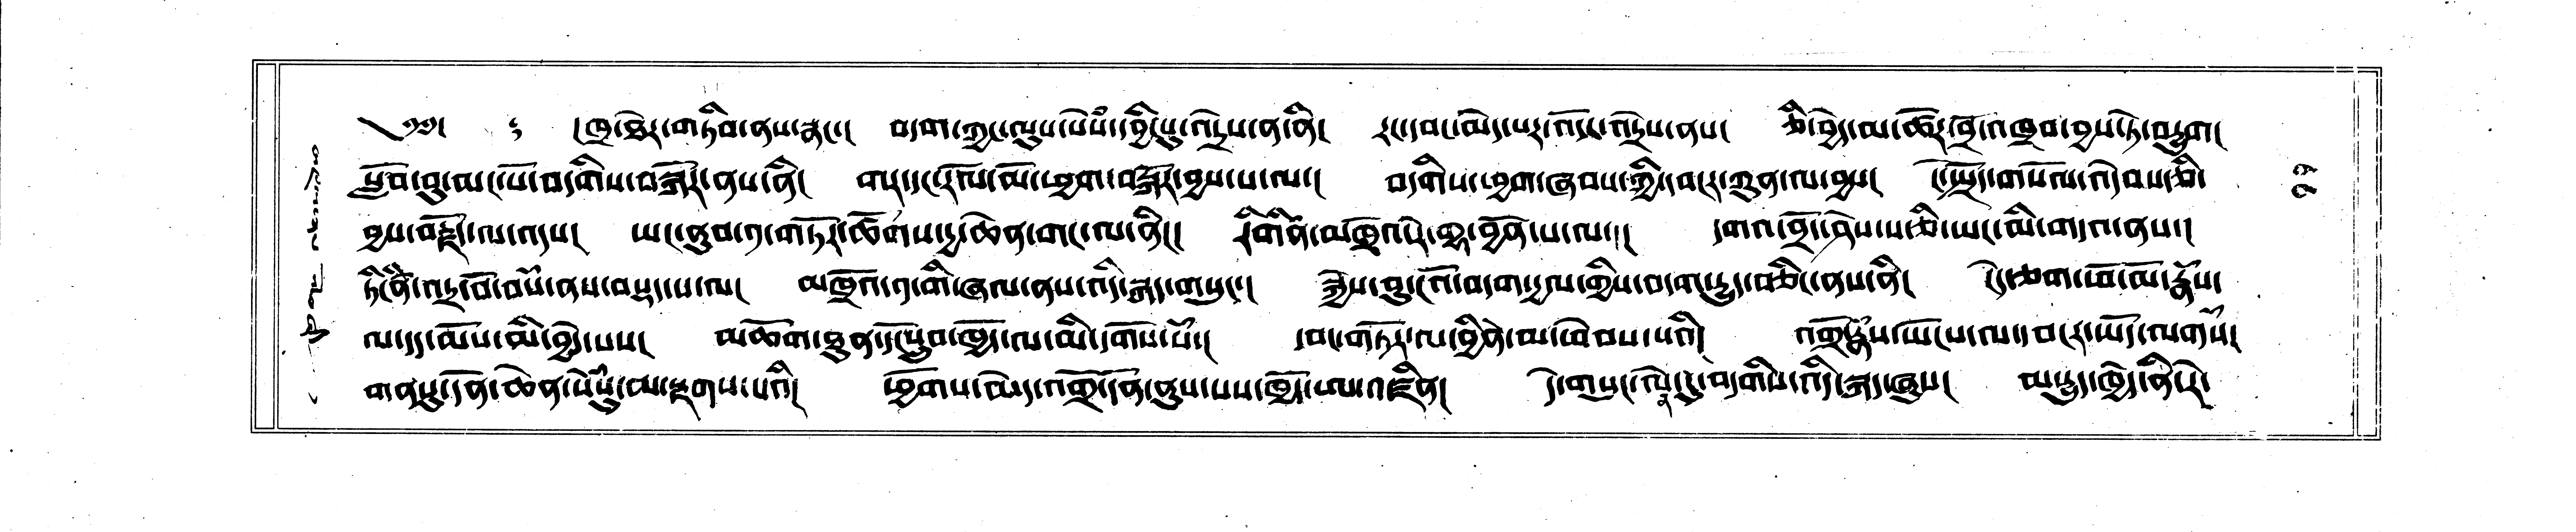ཁྲ་ཐེར་གཏིབ་ནས་སྣང་། བདག་ཀྱང་ལུས་སེམས་དབྱིངས་སུ་འདྲེས་ནས་ནི། རང་དབང་མེད་པར་འདོང་འདྲེས་ནས། ཅི་བྱེད་མ་ཚོར་བྲོ་འཁྲབ་བྱས་ཏེ་བརྒྱུག 
སློབ་བུ་མང་པོ་བདག་གིས་བསྐོར་ནས་ནི། གར་དང་རོལ་མོ་ཕྱག་བསྐོར་བྱས་པ་ལ། བདག་གིས་ཕྱག་ཞབས་ཀྱི་དབང་བསྐུར་ཀུན་ལ་བྱས། ངོ་སྤྲོད་གསོལ་འདེབས་ཅི་
བྱས་བརྗོད་ལ་འདས། ཡང་ནུབ་གཅིག་གཏོར་ཚོགས་རྒྱ་ཆེན་གང་ལ་ནི། རིག་འཛིན་མཁའ་འགྲོ་རེ་གྷ་བྱོན་པ་ལ།། དགའ་བྲོད་ཤེས་པ་ཅི་ཡང་མི་གདའ་ནས། 
ཏིང་འཛིན་འདྲ་བོ་བསམ་ནས་བསྡད་པ་ལ། མཁའ་འགྲོ་གཅིག་གི་ཞལ་ནས་འདི་སྐད་གསུངས། སྐྱེས་བུ་ངའོ་བདག་རྒྱལ་གྱིས་བདག་རྒྱུད་བཅིང་ནས་ནི། ངེད་ཅག་ཕོ་མོ་རྣམས་
ལ་དད་མོས་མི་བྱེད་པས། མཆོག་ཐུན་དངོས་གྲུབ་ཁྱོད་ལ་མི་དགོས་སམ། དབང་གཏོར་ལ་བྱིན་ཆེན་མ་ཕེབས་པའི། འགྲོ་རྣམས་ཡོངས་ལ་དབང་བསྐུར་ཡོད་ལགས་སམ། 
གནས་སུ་དོན་ཆེན་སེམས་སུ་མ་རྫོགས་པའི། ཕྱོགས་མེད་འགྲོ་དོན་ནུས་པས་ཁྱོད་ཨ་འཛིན། དེ་གསུང་ལེན་དུ་བདག་གིས་འདི་སྐད་ཞུས། མ་རྒྱུད་ཁྱེད་ནི་རེ་